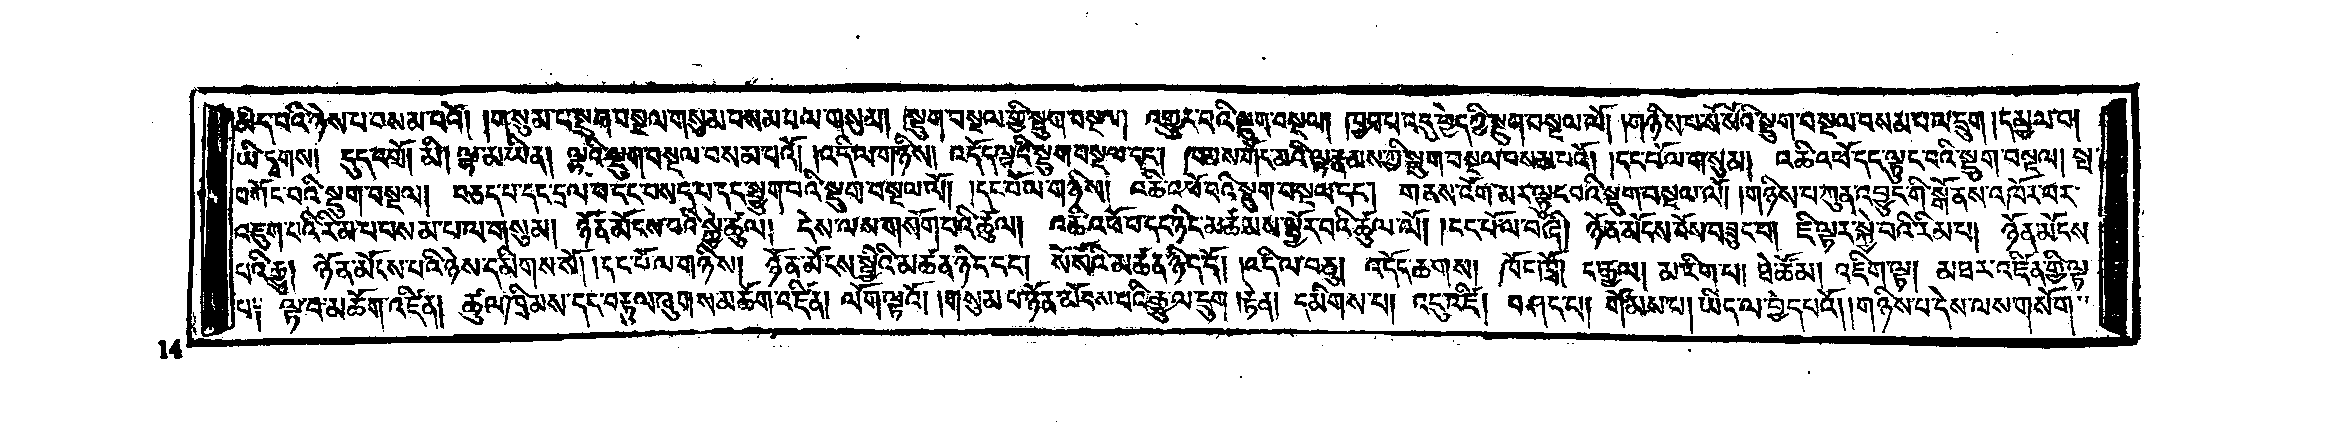མེད་པའི་ཉེས་པ་བསམ་པའོ། །གསུམ་པ་སྡུག་བསྔལ་གསུམ་བསམ་པ་ལ་གསུམ། སྡུག་བསྔལ་གྱི་སྡུག་བསྔལ། འགྱུར་བའི་སྡུག་བསྔལ། ཁྱབ་པ་འདུ་བྱེད་ཀྱི་སྡུག་བསྔལ་ལོ། །གཉིས་པ་སོ་སོའི་སྡུག་བསྔལ་བསམ་པ་ལ་དྲུག །དམྱལ་བ།
ཡི་དྭགས། དུད་འགྲོ། མི། ལྷ་མ་ཡིན། ལྷའི་སྡུག་བསྔལ་བསམ་པའོ། །འདི་ལ་གཉིས། འདོད་ལྷའི་སྡུག་བསྔལ་དང་། ཁམས་གོང་མའི་ལྷ་རྣམས་ཀྱི་སྡུག་བསྔལ་བསམ་པའོ། །དང་པོ་ལ་གསུམ། འཆི་འཕོ་དང་ལྟུང་བའི་སྡུག་བསྔལ། སྤ་
བཀོང་བའི་སྡུག་བསྔལ། བཅད་པ་དང་དྲལ་བ་དང་བསད་པ་དང་སྦྱུག་པའི་སྡུག་བསྔལ་ལོ། །དང་པོ་ལ་གཉིས། འཆི་འཕོ་བའི་སྡུག་བསྔལ་དང་། གནས་འོག་མར་ལྟུང་བའི་སྡུག་བསྔལ་ལོ། །གཉིས་པ་ཀུན་འབྱུང་གི་སྒོ་ནས་འཁོར་བར་
འཇུག་པའི་རིམ་པ་བསམ་པ་ལ་གསུམ། ཉོན་མོངས་པའི་སྐྱེ་ཚུལ། དེས་ལས་གསོག་པའི་ཚུལ། འཆི་འཕོ་བ་དང་ཉིང་མཚམས་སྦྱོར་བའི་ཚུལ་ལོ། །དང་པོ་ལ་བཞི། ཉོན་མོངས་ངོས་བཟུང་བ། ཇི་ལྟར་སྐྱེ་བའི་རིམ་པ། ཉོན་མོངས་
པའི་རྒྱུ། ཉོན་མོངས་པའི་ཉེས་དམིགས་སོ། །དང་པོ་ལ་གཉིས། ཉོན་མོངས་སྤྱིའི་མཚན་ཉིད་དང་། སོ་སོའི་མཚན་ཉིད་དོ། །འདི་ལ་བཅུ། འདོད་ཆགས། ཁོང་ཁྲོ། ང་རྒྱལ། མ་རིག་པ། ཐེ་ཚོམ། འཇིག་ལྟ། མཐར་འཛིན་གྱི་ལྟ་
པ༑ ལྟ་བ་མཆོག་འཛིན། ཚུལ་ཁྲིམས་དང་བརྟུལ་ཞུགས་མཆོག་འཛིན། ལོག་ལྟའོ། །གསུམ་པ་ཉོན་མོངས་པའི་རྒྱུ་ལ་དྲུག །རྟེན། དམིགས་པ། འདུ་འཛི། བཤད་པ། གོམས་པ། ཡིད་ལ་བྱེད་པའོ། །གཉིས་པ་དེས་ལས་གསོག་